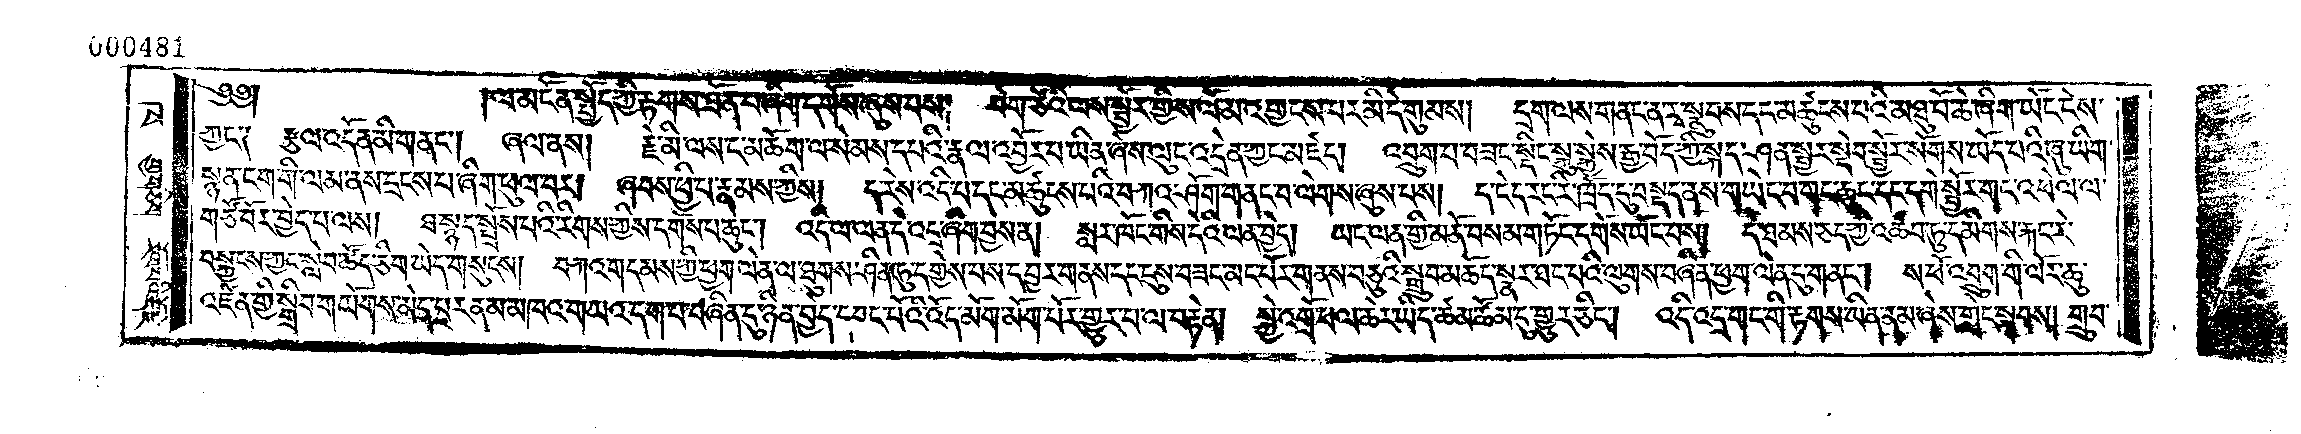༄༅། །ལ་མངོན་སྤྱོད་ཀྱི་རྟགས་ཐོན་པ་ཞིག་དགོས་ཞུས་བས། བེག་ཙོའི་ལས་སྦྱོར་གྱིས་ལོ་མ་འགྱངས་པར་མི་དེ་གུམས། དྲག་ལས་གནང་ན་རྭ་སྣུབས་དང་མཚུངས་པའི་མཐུ་བོ་ཆེ་ཞིག་ཡོང་ངེས་
ཀྱང༑ རྩལ་འདོན་མི་གནང་། ཞལ་ནས། རྗེ་མི་ལས་ང་མཆོག་ལ་སེམས་དཔའི་རྣལ་འབྱོར་བ་ཡིན་ཞེས་ལུང་འདྲེན་ཀྱང་མཛད། འབྲུག་པ་བཟང་སྡིང་སྐུ་སྐྱེས་རྒྱ་བོད་ཀྱི་སྐད་ཤན་སྦྱར་སྡེབ་སྦྱོར་སོགས་ཡོད་པའི་ཞུ་ཡིག་
སྙན་ངག་གི་ལམ་ནས་དྲངས་པ་ཞིག་ཕུལ་བར། ཞབས་ཕྱི་པ་རྣམས་ཀྱིས། ད་རེས་འདི་པ་དང་མཚུངས་པའི་བཀའ་ཤོག་གནང་བ་ལེགས་ཞུས་པས། ད་ངེད་རང་རི་ཁྲོད་དུ་བསྡད་ནས་གཡེང་བ་གང་ཆུང་དང་དགེ་སྦྱོར་གང་འཕེལ་ལ་
གཙོ་བོར་བྱེད་པ་ལས། ཐ་སྙད་སྤྲོས་པའི་རིགས་ཀྱིས་དགོས་པ་ཆུང་། འདི་ལ་ལན་དེ་འདྲ་ཞིག་བྱས་ན། སླར་ཁོང་གིས་དེའི་ལན་བྱེད། ཡང་ལན་གྱི་མནོ་བསམ་གཏོང་དགོས་ཡོང་བས། དེ་ཐམས་ཅད་ཀྱི་འཚབ་ཏུ་དམིགས་རྐང་རེ་
བསྐྱངས་ཀྱང་སླེབ་ཚོད་ཅིག་ཡོད་གསུངས། བཀའ་གདམས་ཀྱི་ཕྱག་ལེན་ལ་ཐུགས་ཤིན་ཏུ་དགྱེས་པས་དབྱར་གནས་དང་དུས་བཟང་མང་པོར་གནས་བཅུའི་སྒྲུབ་མཆོད་སྣར་ཐང་པའི་ལུགས་བཞིན་ཕྱག་ལེན་དུ་གནང་། ས་ཕོ་འབྲུག་གི་ལོར་ཆུ་
འཛིན་གྱི་སྒྲིབ་གཡོགས་མེད་པར་ནམ་མཁའ་གཡའ་དག་པ་བཞིན་དུ་ཉིན་བྱེད་དབང་པོའི་འོད་མོག་མོག་པོར་གྱུར་པ་ལ་བརྟེན། སྐྱེ་འགྲོ་ཕལ་ཆེར་ཡིད་ཚམ་ཚོམ་དུ་གྱུར་ཅིང་། འདི་འདྲ་གང་གི་རྟགས་ཡིན་ནམ་ཞེས་གླང་སྐབས། གྲུབ་